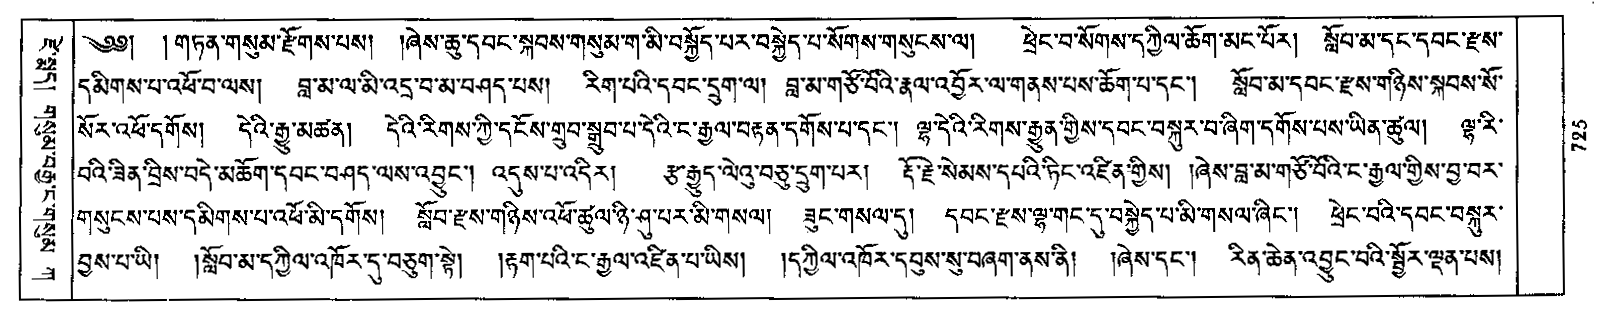༄༅། །གཏན་གསུམ་རྫོགས་པས། །ཞེས་ཆུ་དབང་སྐབས་གསུམ་ག་མི་བསྐྱོད་པར་བསྐྱེད་པ་སོགས་གསུངས་ལ། ཕྲེང་བ་སོགས་དཀྱིལ་ཆོག་མང་པོར། སློབ་མ་དང་དབང་རྫས་
དམིགས་པ་འཕོ་བ་ལས། བླ་མ་ལ་མི་འདྲ་བ་མ་བཤད་པས། རིག་པའི་དབང་དྲུག་ལ། བླ་མ་གཙོ་བོའི་རྣལ་འབྱོར་ལ་གནས་པས་ཆོག་པ་དང་། སློབ་མ་དབང་རྫས་གཉིས་སྐབས་སོ་
སོར་འཕོ་དགོས། དེའི་རྒྱུ་མཚན། དེའི་རིགས་ཀྱི་དངོས་གྲུབ་སྒྲུབ་སྩལ་པ་དེའི་ང་རྒྱལ་བརྟན་དགོས་པ་དང་། ལྷ་དེའི་རིགས་རྒྱུན་གྱིས་དབང་བསྐུར་བ་ཞིག་དགོས་པས་ཡིན་ཚུལ། ལྷ་རི་
བའི་ཟིན་བྲིས་བདེ་མཆོག་དབང་བཤད་ལས་འབྱུང་། འདུས་པ་འདིར། རྩ་རྒྱུད་ལེའུ་བཅུ་དྲུག་པར། རྡོ་རྗེ་སེམས་དཔའི་ཏིང་འཛིན་གྱིས། །ཞེས་བླ་མ་གཙོ་བོའི་ང་རྒྱལ་གྱིས་བྱ་བར་
གསུངས་པས་དམིགས་པ་འཕོ་མི་དགོས། སློབ་རྫས་གཉིས་འཕོ་ཚུལ་ཉི་ཤུ་པར་མི་གསལ། ཟུང་གསལ་དུ། དབང་རྫས་ལྷ་གང་དུ་བསྐྱེད་པ་མི་གསལ་ཞིང་། ཕྲེང་བའི་དབང་བསྐུར་
བྱས་པ་ཡི། །སློབ་མ་དཀྱིལ་འཁོར་དུ་བཅུག་སྟེ། །རྟག་པའི་ང་རྒྱལ་འཛིན་པ་ཡིས། །དཀྱིལ་འཁོར་དབུས་སུ་བཞག་ནས་ནི། །ཞེས་དང་། རིན་ཆེན་འབྱུང་བའི་སྦྱོར་ལྡན་པས།